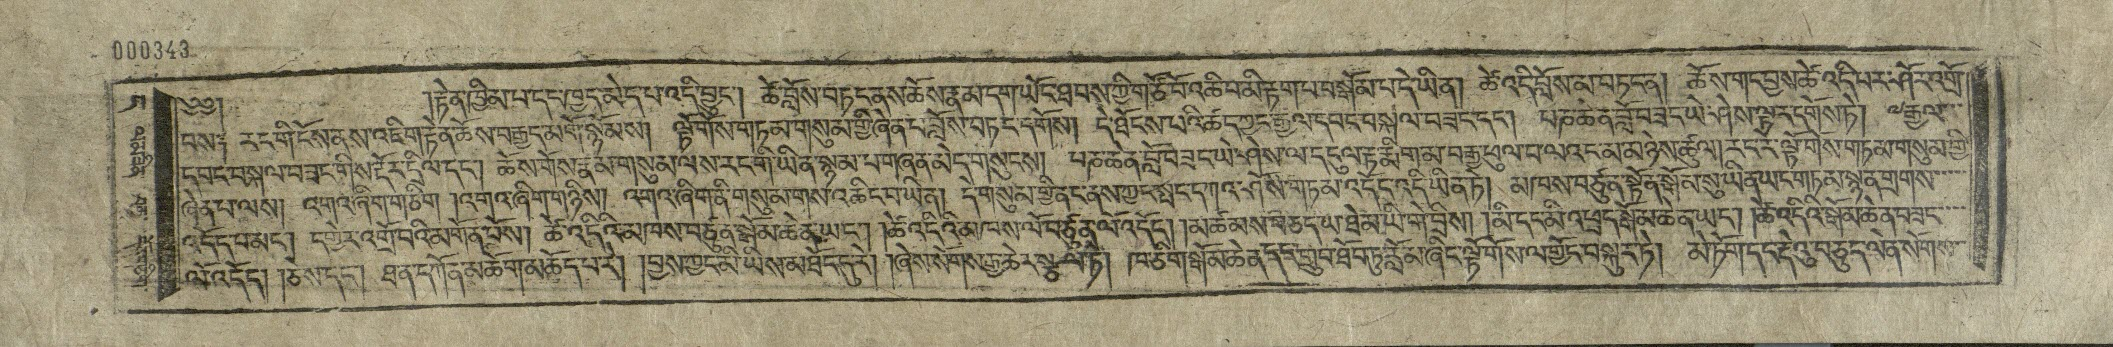༄༅། །རྟེན་ཁྱིམ་པ་དང་ཁྱད་མེད་པ་འདི་བྱུང་། ཚེ་བློས་བཏང་ནས་ཆོས་རྣམ་དག་ཡོང་ཐབས་ཀྱི་གཙོ་བོ་འཆི་བ་མི་རྟག་པ་བསྒོམ་པ་དེ་ཡིན། ཚེ་འདི་བློས་མ་བཏང་ན། ཆོས་གང་བྱས་ཚེ་འདི་པར་ཤོར་འགྲོ་
བས༑ རང་གི་ངོས་ནས་འཇིག་རྟེན་ཆོས་བརྒྱད་མགོ་སྙོམས། ལྟོ་གོས་གཏམ་གསུམ་གྱི་ཞེན་པ་བློས་བཏང་དགོས། དེ་ཐོངས་པའི་ཚད་ཀྱང་རྒྱལ་དབང་བསྐལ་བཟང་དང་། པཎ་ཆེན་བློ་བཟང་ཡེ་ཤེས་ལྟར་དགོས་ཏེ། ༧རྒྱལ་
དབང་བསྐལ་བཟང་གིས་རྡོར་དྲིལ་དང་། ཆོས་གོས་རྣམ་གསུམ་ལས་རང་གི་ཡིན་སྙམ་པ་གཞན་མེད་གསུངས། པཎ་ཆེན་བློ་བཟང་ཡེ་ཤེས་ལ་དངུལ་རྟ་རྨིག་མ་བརྒྱ་ཕུལ་བ་ལའང་མ་མཉེས་ཚུལ། རང་རེ་ལྟོ་གོས་གཏམ་གསུམ་གྱི་
ཞེན་པ་ལས། འགའ་ཞིག་གཅིག །འགའ་ཞིག་གཉིས། འགའ་ཞིག་ནི་གསུམ་གས་འཆིང་བ་ཡིན། དེ་གསུམ་གྱི་ནང་ནས་ཀྱང་སྤང་དཀའ་ཤོས་གཏམ་འདོད་འདི་ཡིན་ཏེ། མཁས་བཙུན་སྟོན་སྒོམ་སུ་ཡིན་ཡང་གཏམ་སྙན་གྲགས་
འདོད་པ་མང་། དགྱེར་འགྲོ་བའི་མགོན་པོས། ཚེ་འདིའི་མཁས་བཙུན་སྒོམ་ཆེན་ཡང་། །ཚེ་འདིའི་མཁས་ལོ་བཙུན་ལོ་འདོད། །མཚམས་བཅད་ཡ་ཐེམ་ཡི་གེ་བྲིས། །མི་དང་མི་འཕྲད་སྒོམ་ཆེན་ཡང་། །ཚེ་འདིའི་སྒོམ་ཆེན་བཟང་
ལོ་འདོད། །ཅེས་དང་། ཐ་ན་དཀོན་མཆོག་མཆོད་པ་རེ། །བྱས་ཀྱང་མི་ཡིས་མཐོང་དུ་རེ། །ཞེས་སོགས་རྒྱ་ཆེར་སྩལ་ཏེ། ཁ་ཅིག་སྒོམ་ཆེན་དང་གྲུབ་ཐོབ་ཏུ་རློམ་ཞིང་ལྟོ་གོས་ལ་བྱེད་?་བསྐུར་ཏེ། མེ་ཏོག་དང་རྡེའུ་བཅུད་ལེན་སོགས་